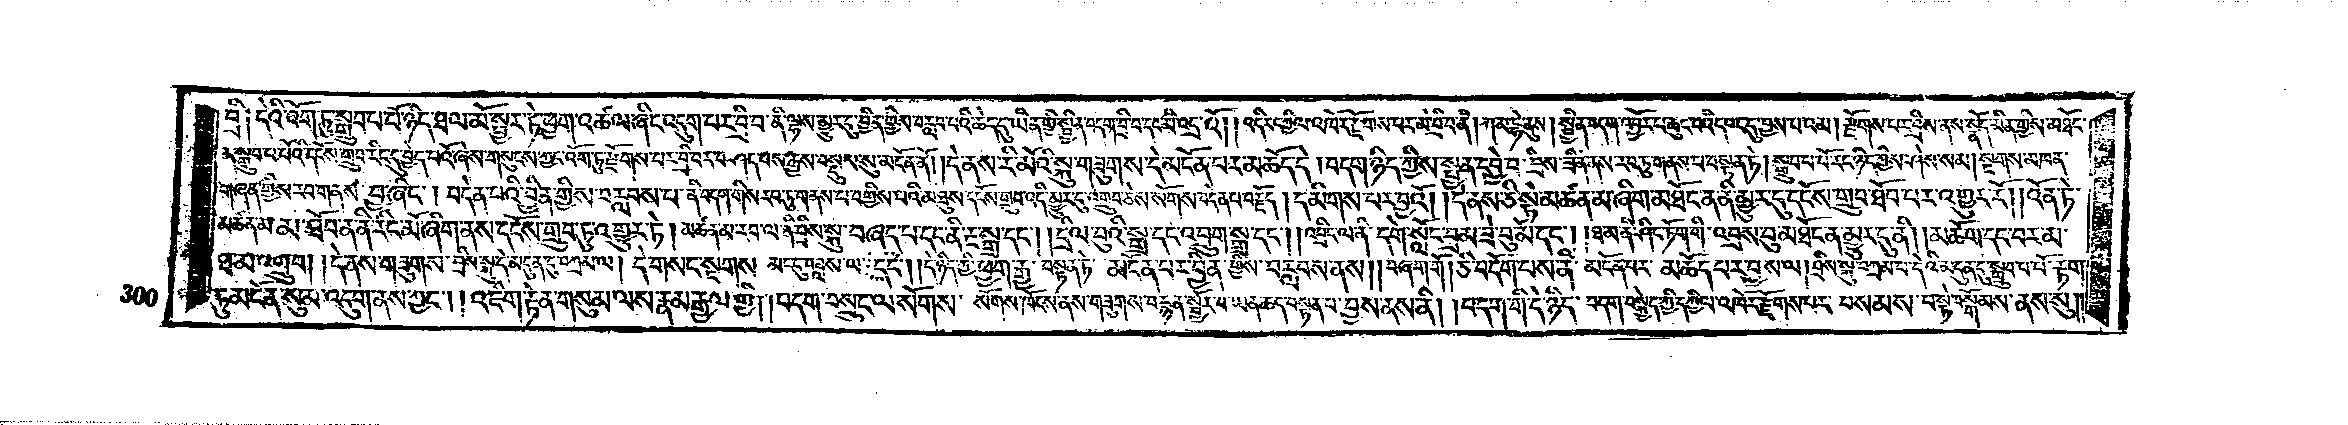བྲི། དེའི་འོག་ཏུ་སྒྲུབ་པ་པོ་ཉིད་ཐལ་མོ་སྦྱར་ཏེ་ཕྱག་འཚལ་ཞིང་འདུག་པར་བྲི་བ་ནི་ལྷས་མྱུར་དུ་བྱིན་གྱིས་བརླབ་པའི་ཆེད་དུ་ཡིན་གྱི་སྦྱིན་བདག་བྲི་བ་དང་མི་འདྲ་འོ། །འདིར་དཀྱིལ་འཁོར་རྫོགས་པར་མི་བྲི་བ་ནི། ཀ་མ་དྷེ་ནུས། སྦྱིན་བདག་འབྱོར་བ་ཆུང་བའི་དབང་དུ་བྱས་པ་འམ། རྫོགས་པར་བྲིས་ནས་སྣོད་མིན་གྱིས་མཐོང་
ན་སྒྲུབ་པ་པོའི་དངོས་གྲུབ་རིང་དུ་བྱེད་པའོ་ཞེས་གསུངས་ཀྱང་འོག་ཏུ་རྫོགས་པར་བྲི་བར་བཤད་པས་རྒྱས་བསྡུས་སུ་མངོན་ནོ། །དེ་ནས་རི་མོའི་སྐུ་གཟུགས་དེ་མངོན་པར་མཆོད་དེ། བདག་ཉིད་ཀྱིས་སྤྱན་དབྱེ་བ་བྲིས་ཟིན་ནས་རབ་ཏུ་གནས་པ་བསྟན་ཏེ། སྒྲུབ་པ་པོ་རང་ཉིད་ཀྱིས་ཤེས་སམ། སྔགས་མཁན་
གཞན་གྱིས་རབ་གནས་བྱ་ཞིང་། བདེན་པའི་བྱིན་གྱིས་བརླབས་པ་ནི་བདག་གིས་རབ་ཏུ་གནས་པ་བགྱིས་པའི་མཐུས་དངོས་གྲུབ་འདི་མྱུར་དུ་འགྲུབ་ཅེས་སོགས་བདེན་པ་བརྗོད།  དམིགས་པར་བྱའོ། །དེ་ནས་ཅི་སྟེ་མཚན་མ་ཞིག་མཐོང་ན་ནི་མྱུར་དུ་དངོས་གྲུབ་ཐོབ་པར་འགྱུར་རོ། །འོན་ཏེ་
མཚན་མ་མ་ཐོབ་ན་ནི་རིང་མོ་ཞིག་ནས་དངོས་གྲུབ་ཏུ་འགྱུར་ཏེ། མཚན་མ་རབ་ལ་ནི་བྲིས་སྐུ་བཞད་པ་དང་ནི་རྔ་སྒྲ་དང་། །དྲིལ་བུའི་སྒྲ་དང་འབྲུག་སྒྲ་དང་། ། འབྲིང་ལ་ནི་དགེ་སློང་བྲམ་ཟེ་བུ་མོ་དང་། ། ཐ་མ་ནི་ཤིང་ཏོག་གི་འབྲས་བུ་མཐོང་ན་མྱུར་དུ་ནི། །མཆོག་དང་བར་མ་
ཐ་མ་འགྲུབ། །དེ་ནས་གཟུགས་བྲིས་སྐུ་དེ་མདུན་དུ་བཀྲམ་ལ།  དེ་གསང་སྔགས་མང་དུ་བཟླས་ལ་དང་། ། དེ་ཉིད་ཀྱི་ཕྱག་རྒྱ་བསྟན་ཏེ་མངོན་པར་བྱིན་གྱིས་བརླབས་ནས། ། བཞག་གོ །  ཅི་བདོག་པས་ནི་མངོན་པར་མཆོད་པར་བྱས་ལ། བྲིས་སྐུ་བཀྲམ་པ་དེའི་མདུན་དུ་སྒྲུབ་པ་པོ་རྟག་
ཏུ་མངོན་སུམ་འདུག་ནས་ཀྱང་། །འཇིག་རྟེན་གསུམ་ལས་རྣམ་རྒྱལ་གྱི། །བདག་བསྲུང་ལ་སོགས་སོགས་ཁོངས་ནས་གཟུགས་བརྙན་སྦྱོར་བ་ཡན་ཆད་བསྟན་པ་བྱས་ནས་ནི། །བདག་གི་དེ་ཉིད་བདག་བསྐྱེད་ཀྱི་དཀྱིལ་འཁོར་རྫོགས་པར་བསམས་པ་སྟེ་བསྒོམས་ནས་སུ། །